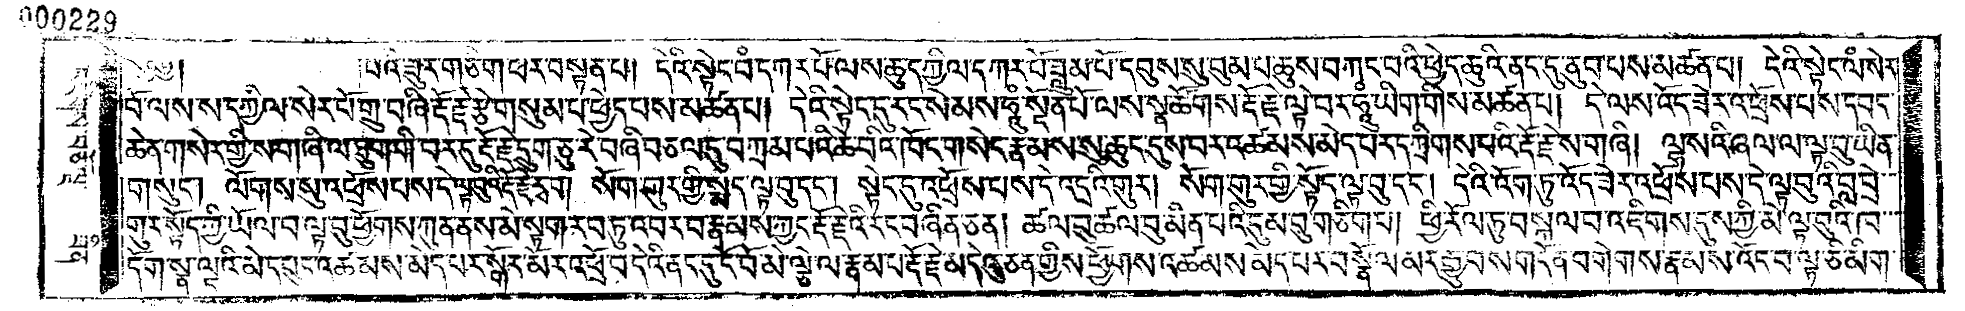༄༅། །བའི་ཟུར་གཅིག་ཕར་བསྟན་པ། དེའི་སྟེང་བཾ་དཀར་པོ་ལས་ཆུ་དཀྱིལ་དཀར་པོ་ཟླུམ་པོ་དབུས་སུ་བུམ་པ་ཆུས་བཀང་བའི་ཕྱེད་ཆུའི་ནང་དུ་ནུབ་པས་མཚན་པ། དེའི་སྟེང་ལཾ་སེར་
པོ་ལས་ས་དཀྱིལ་སེར་པོ་གྲུ་བཞི་རྡོ་རྗེ་རྩེ་གསུམ་པ་ཕྱེད་པས་མཚན་པ། དེའི་སྟེང་དུ་རང་སེམས་ཧཱུཾ་སྔོན་པོ་ལས་སྣ་ཚོགས་རྡོ་རྗེ་ལྟེ་བར་ཧཱུཾ་ཡིག་གིས་མཚན་པ། དེ་ལས་འོད་ཟེར་འཕྲོས་པས་དབང་
ཆེན་གསེར་གྱི་ས་གཞི་ལ་ཐུག་གི་བར་དུ་རྡོ་རྗེ་དྲུག་ཅུ་རེ་བཞི་བཅལ་དུ་བཀྲམ་པའི་ཆེ་བའི་ཁོང་གསེང་རྣམས་སུ་ཆུང་དུས་བར་འཚམས་མེད་པར་དཀྲིགས་པའི་རྡོ་རྗེས་གཞི། ལྷ་སའི་ཞལ་ལ་ལྟ་བུ་ཡིན་
གསུང་། ལོགས་སུ་འཕྲོས་པས་དེ་ལྟ་བུའི་རྡོ་རྗེ་རྭ་བ། སོག་གུར་གྱི་སྨད་ལྟ་བུ་དང་། སྟེང་དུ་འཕྲོས་པས་དེ་འདྲའི་གུར། སོག་གུར་གྱི་སྟོང་ལྟ་བུ་དང་། དེའི་འོག་ཏུ་འོད་ཟེར་འཕྲོས་པས་དེ་ལྟ་བུའི་བླ་བྲེ་
གུར་སྟོད་ཀྱི་ཡོལ་བ་ལྟ་བུ་ཕྱོགས་ཀུན་ནས་མེ་སྟག་རབ་ཏུ་འབར་བ་རྣམས་ཀྱང་རྡོ་རྗེའི་རང་བཞིན་ཅན། ཚལ་བུ་ཚལ་བུ་མིན་པའི་དུམ་བུ་གཅིག་པ། ཕྱི་རོལ་ཏུ་བསྐལ་བ་འཇིགས་དུས་ཀྱི་མེ་ལྟ་བུའི་ཁ་
དོག་སྣ་ལྔའི་མེ་དཔུང་འཚམས་མེད་པར་སྒོར་མོར་འཕྲོ་བ་དེའི་ནང་དུ་ངོ་བོ་མེ་ལྕེ་ལ་རྣམ་པ་རྡོ་རྗེ་མདེའུ་ཅན་གྱིས་ཕྱོགས་འཚམས་མེད་པར་བསྣོལ་མར་རྒྱུ་བས་གདོན་བགེགས་རྣམས་འོང་བ་ལྟ་ཅི་མིག་